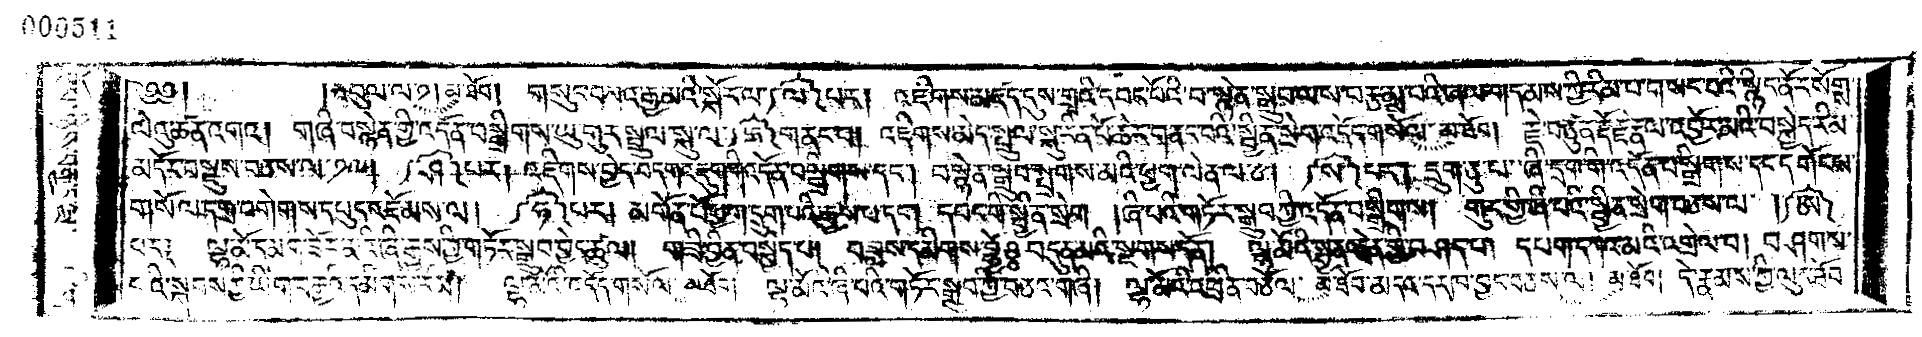༄༅། །འབུལ་ལ་མ་ཐོབ།  གསུང་བཀའ་རྒྱ་མའི་སྐོར་ལ ༼ལ༽ པར། འཇིགས་མཛད་དུས་གྲྭའི་དབང་པོའི་བསྙེན་སྒྲུབ་ལས་བརྩམས་པའི་ཞལ་གདམས་ཀྱི་རིམ་པ་གསང་བའི་སྙིང་ནོར་སོགས་
ལེའུ་ཚན་འགའ། གཞི་བསྙེན་གྱི་འདོན་བསྒྲིགས་ཡུ་གུར་སྦྲུལ་སྐུ་ལ་གནང་བ། འཇིགས་མེད་སྤྲུལ་སྐུ་རིན་པོ་ཆེར་གནང་བའི་སྦྱིན་སྲེག་འདོད་གསོལ་མ་ཐོབ།  རྗེ་བཙུན་རྡོ་རྗེ་རྣལ་འབྱོར་མའི་བསྐྱེད་རིམ་
མདོར་བསྡུས་བཅས་ལ ༡༧། ༼ཤ༽ པར། འཇིགས་བྱེད་བདག་འཇུག་གི་འདོན་བསྒྲིགས་དང་། བསྙེན་སྒྲུབ་སྤྲགས་མའི་ཕྱག་ལེན་ལ ༦། ༼ས༽ པར། དྲུག་ཅུ་པ་ཞི་དྲ་གི་འདོན་བསྒྲིགས་དང་དགོངས་
གསོལ་དགྲ་བགེགས་དཔུང་འཇོམས་ལ། ༼ཧ༽ པར། མགོན་པོ་ཕྱག་དྲུག་པའི་རྒྱས་པ་དང་། དབང་གི་སྦྱིན་སྲེག །ཞི་པའི་གཏོར་སྒྲུབ་ཀྱི་འདོན་བསྒྲིགས། གུར་གྱི་ཞི་པའི་སྦྱིན་སྲེག་བཅས་ལ ༼ཨ༽
པར༑ ལྷ་མོ་དམག་ཟོར་མའི་ཞི་རྒྱས་ཀྱི་གཏོར་སྒྲུབ་བྱེད་ཚུལ། གཟི་བྱིན་བསྐྱེད་པ། བཟླས་དམིགས་བྷྱོཿབདུན་མའི་སྔགས་དོན། ལྷ་མོའི་སྒྱན་འདྲེན་གྱི་བཤད་པ། དཔག་དཀའ་མའི་འགྲེལ་བ། བཤགས་
པའི་སྐབས་ཀྱི་ཡིག་བརྒྱའི་དམིགས་རིམ། ལྷ་མོའི་འདོད་གསོལ་མ་ཐོབ།  ལྷ་མོའི་ཞི་པའི་གཏོར་སྒྲུབ་ཀྱི་བཅའ་གཞི། ལྷ་མོའི་འཕྲིན་བཅོལ་མ་ཐོབ་མདའ་དར་ཁ་བྱང་བཅས་མ་ཐོབ།  དེ་རྣམས་ཀྱི་ལུང་ཐོབ་